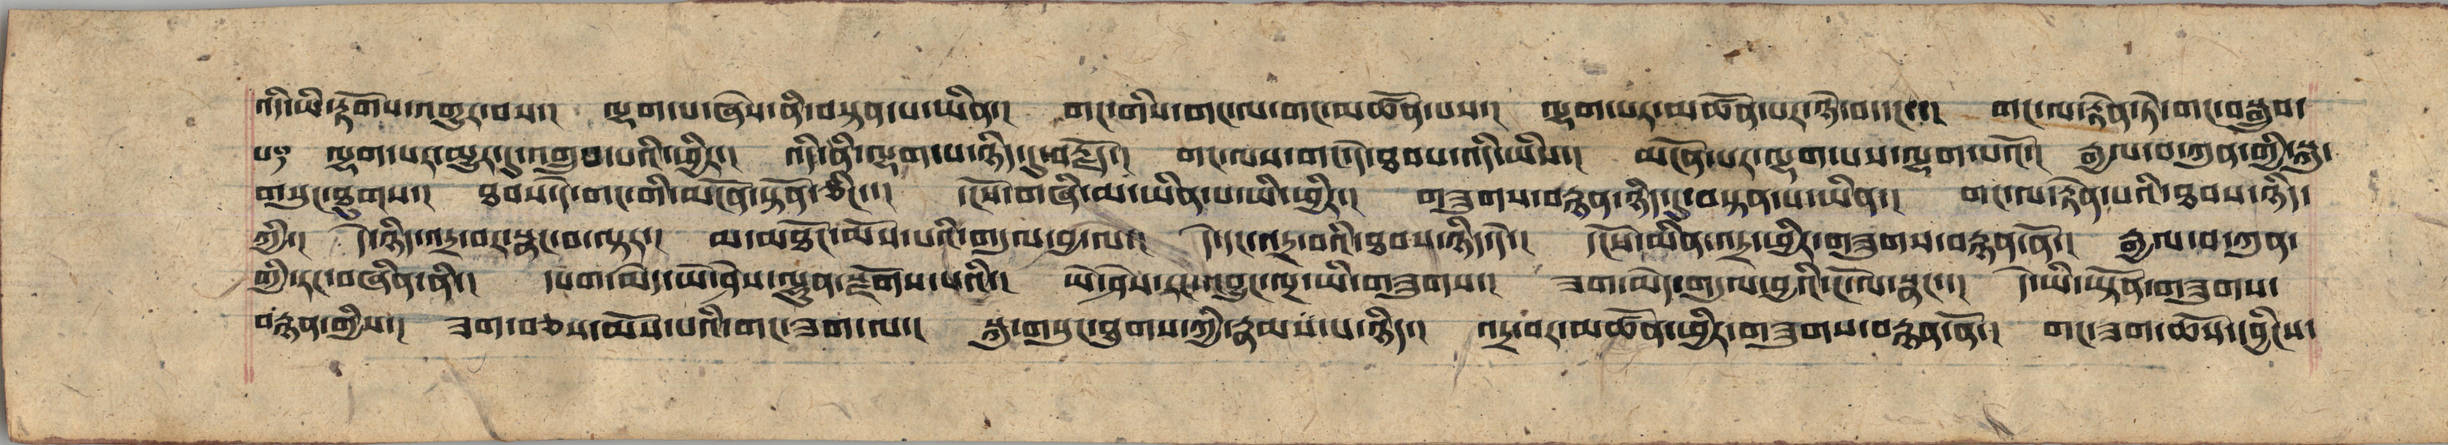འདི་ཡི་རྟོགས་འགྱུར་བས་། ལྷག་པ་ཞེས་ནི་བསྟན་པ་ཡིན་། གང་གིས་གང་ལ་གང་མཚོན་པས་། ལྷག་པར་མཚོན་པར་ཉེ་བ་དང་་། གང་ལ་རྟེན་ཏེ་གང་བསྒྲུབ་
པ༑ ལྷག་པར་མྱུར་དུ་འགྲུབ་པའི་ཕྱིར་། འདི་ནི་ལྷག་པ་ཉིད་དུ་བརྗོད་། གང་ལས་གང་དེ་ཐབས་འདི་ཡིས་། མངོན་པར་ལྷག་པས་ལྷག་པའོ་། རྒྱལ་བ་ཀུན་གྱི་སྐུ་
གསུང་ཐུགས་། ཐབས་དེ་གང་གི་མངོན་སྟོན་ཅིང་་། དངོས་གཞི་མ་ཡིན་པ་ཡི་ཕྱིར་། གཟུགས་བརྙན་ཉིད་དུ་བསྟན་པ་ཡིན་། གང་ལ་རྟེན་པའི་ཐབས་ཉིད་
ཀྱི་། དེ་ཉིད་འདྲ་བར་སྣང་བ་ལྟར་། མ་མཐོང་མོས་པའི་གདུལ་བྱ་ལ་། དེ་དང་འདྲ་བའི་ཐབས་ཉིད་དེ་། དངོས་མིན་འདྲ་ཕྱིར་གཟུགས་བརྙན་ནོ་། རྒྱལ་བ་ཀུན་
གྱི་རང་བཞིན་ནི་། དཔག་མེད་ཡེ་ཤེས་ལྷུན་སྫོགས་པའི་། ཡེ་ཤེས་རང་འབྱུང་ལྔ་ཡི་གཟུགས་། ཟག་མེད་གདུལ་བྱའི་ངོ་ལ་སྣང་་། དེ་ཡི་ཡྟོན་གཟུགས་
བརྙན་གྱིས་། ཟག་བཅས་མོས་པའི་གང་ཟག་ལ་། སྐུ་གསུང་ཐུགས་ཀྱི་རྣམས་པ་ཉིད་། འདྲ་བར་མཚོན་ཕྱིར་གཟུགས་བརྙན་ནོ་། གང་ཟག་ཆོས་དབྱིངས་